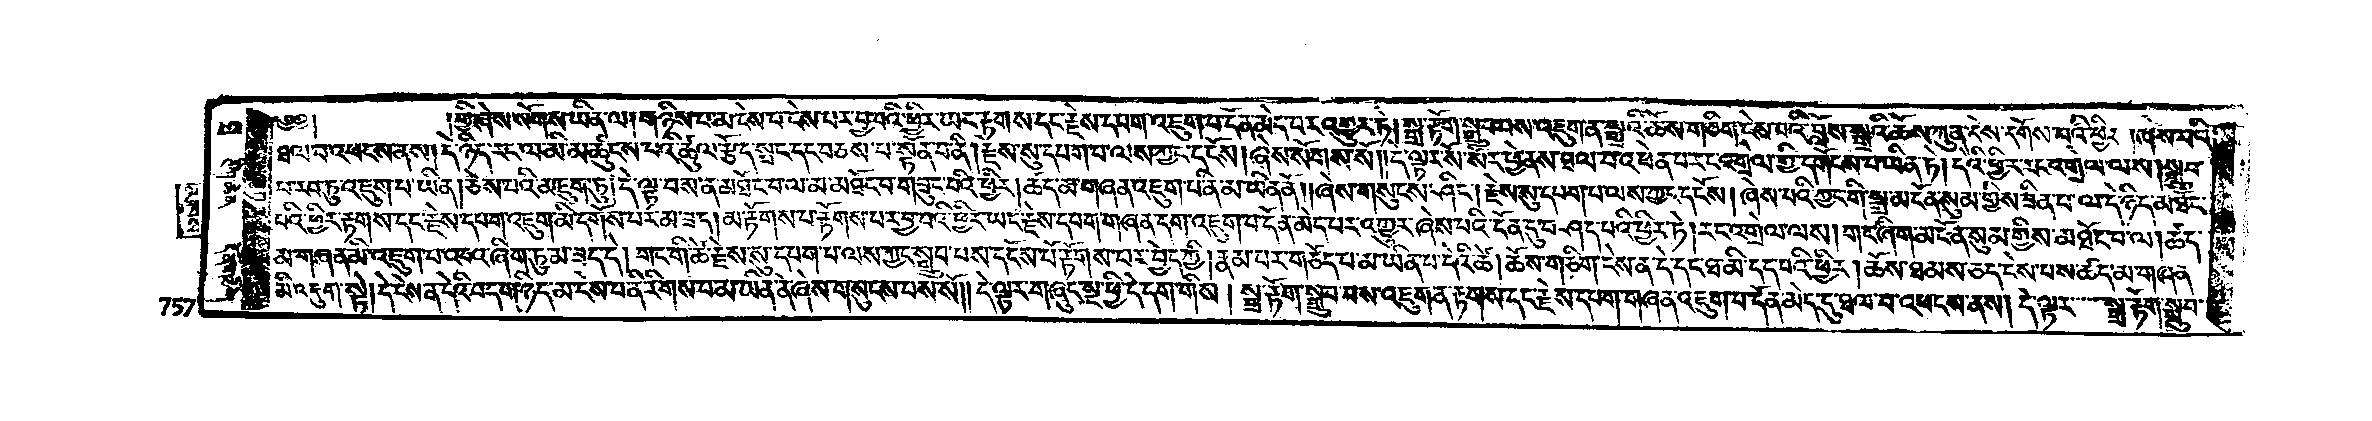༄༅། །གྱི་ཞེས་སོགས་ཡིན་ལ། གཉིས་པ་མ་ངེས་པ་ངེས་པར་བྱ་བའི་ཕྱིར་ཡང་རྟགས་དང་རྗེས་དཔག་འཇུག་པ་དོན་མེད་པར་འགྱུར་ཏེ། སྒྲ་རྟོག་སྒྲུབ་པས་འཇུག་ན་སྒྲའི་ཆོས་གཅིག་ངེས་པའི་བློས་སྒྲའི་ཆོས་ཀུན་ངེས་དགོས་པའི་ཕྱིར། ཞེས་པའི་
ཐལ་བ་འཕངས་ནས། དེ་ཉིད་རང་ལ་མི་མཚུངས་པའི་ཚུལ་རྩོད་སྤང་དང་བཅས་པ་སྟོན་པ་ནི། རྗེས་སུ་དཔག་པ་ལས་ཀྱང་དངོས། ཞེས་སོགས་སོ། །དེ་ལྟར་སོ་སོར་ཕྱེ་ནས་ཐལ་བ་འཕེན་པ་རང་འགྲེལ་གྱི་དགོངས་པ་ཡིན་ཏེ། དེའི་ཕྱིར་རང་འགྲེལ་ལས། སྒྲུབ་
པ་རབ་ཏུ་འཇུག་པ་ཡིན། ཅེས་པའི་མཇུག་ཏུ། དེ་ལྟ་བས་ན་མཐོང་བ་ལ་མ་མཐོང་བ་གཟུང་བའི་ཕྱིར། ཚད་མ་གཞན་འཇུག་པ་ནི་མ་ཡིན་ནོ། །ཞེས་གསུངས་ཤིང་། རྗེས་སུ་དཔག་པ་ལས་ཀྱང་དངོས། ཞེས་པའི་ཀྱང་གི་སྒྲ་མངོན་སུམ་གྱིས་ཟིན་པ་ལ་དེ་ཉིད་མཐོང་
པའི་ཕྱིར་རྟགས་དང་རྗེས་དཔག་འཇུག་མི་དགོས་པར་མ་ཟད། མ་རྟོགས་པ་རྟོགས་པར་བྱ་བའི་ཕྱིར་ཡང་རྗེས་དཔག་གཞན་དག་འཇུག་པ་དོན་མེད་པར་འགྱུར་ཞེས་པའི་དོན་དུ་བཤད་པའི་ཕྱིར་ཏེ། རང་འགྲེལ་ལས། གང་ཞིག་མངོན་སུམ་གྱིས་མཐོང་བ་ལ། ཚད་
མ་གཞན་མི་འཇུག་པ་འབའ་ཞིག་ཏུ་མ་ཟད་དེ། གང་གི་ཚེ་རྗེས་སུ་དཔག་པ་ལས་ཀྱང་སྒྲུབ་པས་དངོས་པོ་རྟོགས་པར་བྱེད་ཀྱི། རྣམ་པར་གཅོད་པ་མ་ཡིན་པ་དེའི་ཚེ། ཆོས་གཅིག་ངེས་ན་དེ་དང་ཐ་མི་དད་པའི་ཕྱིར། ཆོས་ཐམས་ཅད་ངེས་པས་ཚད་མ་གཞན་
མི་འཇུག་སྟེ། དེ་ངེས་ན་དེའི་བདག་ཉིད་མ་ངེས་པ་ནི་རིགས་པ་མ་ཡིན་ནོ་ཞེས་གསུངས་པས་སོ། །དེ་ལྟར་གཞུང་སྔ་ཕྱི་དེ་དག་གིས། སྒྲ་རྟོག་སྒྲུབ་པས་འཇུག་ན་རྟགས་དང་རྗེས་དཔག་གཞན་འཇུག་པ་དོན་མེད་དུ་ཐལ་བ་འཕངས་ནས། དེ་ལྟར་སྒྲ་རྟོག་སྒྲུབ་